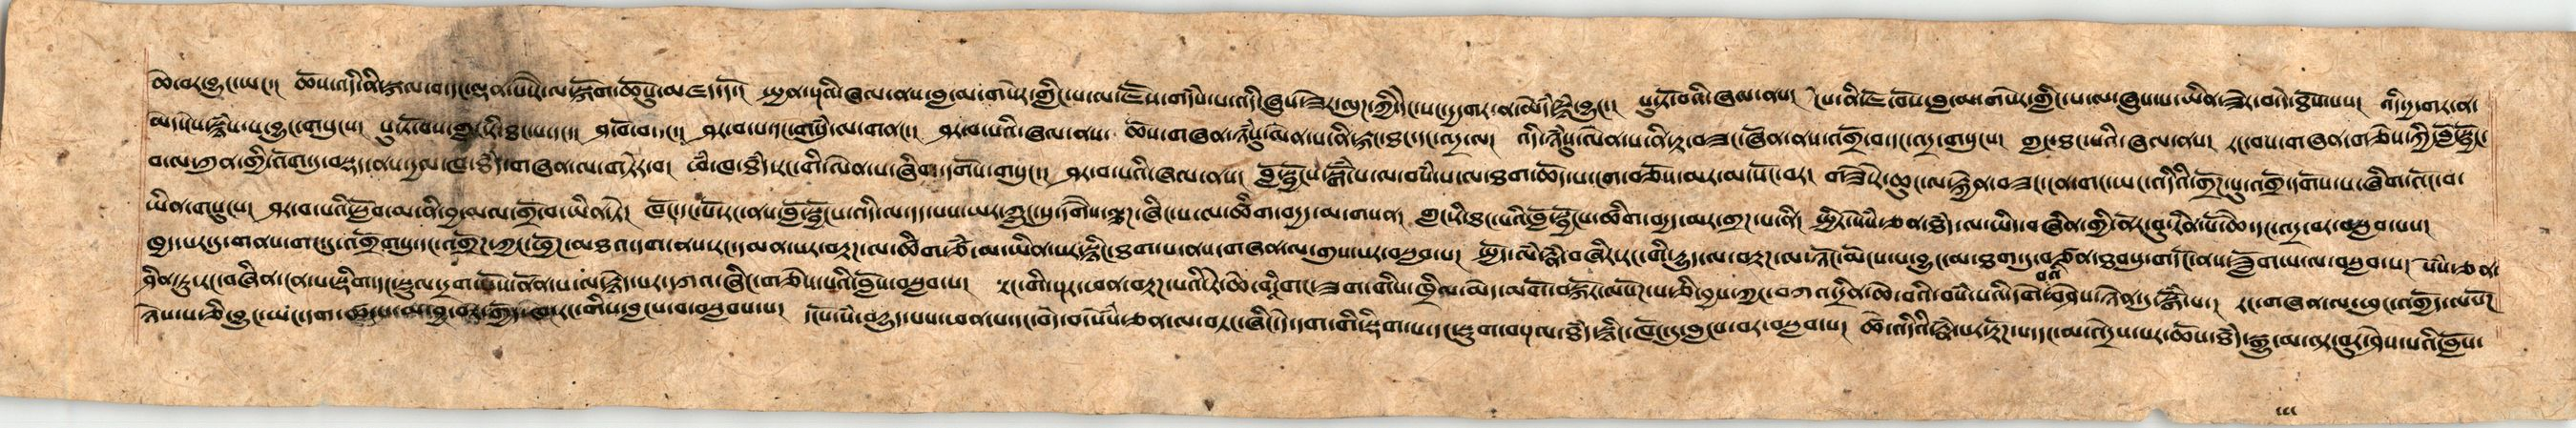ཆེ་བར་བྱུང་ཡང་། ཆོས་འདི་ནི་སྐལ་བ་དང་ལྡན་པ་རཻ་ལ་སྐོག་ཆོསུ་མཛད་དོ་། སྤྱན་སྔའི་ཞལ་ནས་བླ་མ་གསེར་གླིང་པ་ལ་ཇཽས་གདཾས་པ་འདི་ཞུས་ཟེར་ལུཌ་ཀྱི་དེང་སང་དྱ་གར་ན་མེདཾ་སྙཾ་བྱུང་། པུ་ཏཽ་བའི་ཞལ་ནས། ངེས་ནི་ཇོ་བོས་བླ་མ་གསེར་གླིང་པ་ལ་ཞུས་པ་ཡིན་ཟེར་བ་དེ་ཐོས་པས། འདི་དྱ་གར་ན་
མེད་ངེས་སྙཾ་པ་བྱུང་གསུངས། པོ་ཏོ་བས་གླང་རི་ཐང་པ་དང་། ཤ་བོ་བ་དང་། ཤར་བ་པ་དང་གསུཾ་ལ་གནང་། ཤར་བ་པའི་ཞལ་ནས། ཆོས་གཞན་ཉཾསུ་ལེན་པ་ནི་རྐང་ཐང་དང་འདྲ་ལ། འདི་ཉཾསུ་ལེན་པ་ནི་རྟ་བཟང་ཞོན་ནས་འགྲོ་བ་དང་འདྲ་གསུངས། གླང་ཐང་པའི་ཞལ་ནས། རང་བས་གཞན་གཅེས་ཀྱི་བློ་སྦྱོང་
བ་ལ་ཀུན་གྱི་འོག་ཏུ་བསྡད་ནས་དྱལ་ཁ་ཐཾད་གཞན་ལ་གཏེར་བ། ཕཾ་ཁ་ཐཾད་རང་གི་ལེན་པ་ཞིག་དགོས་གསུང་། ཤར་བ་པའི་ཞལ་ནས། བློ་སྦྱོང་སྒོཾ་པ་ལ་བསཾ་པ་ལ་ཐག་ཆོད་པ་ངག་བཅོས་མར་མ་སོང་བར། གཟེ་རེ་ཆུང་ལ་སྐྱོན་བཟང་ངན་གང་ཡང་འདིའི་གྲོཌ་སུ་འགྲོ་དགོས་པ་ཞིག་འོང་བ་
ཡིན་གསུངས། ཤར་བ་པའི་སློབ་མ་ནི་བྱ་མལ་གྲོ་བ་ཡིན་ཏེ། ཁོང་དང་པོ་རང་ནས་བློ་སྦྱོངས་འདི་ལ་དད་པས་ཡར་ཀླུང་སུ་དགཻས་ལྕཌ་ཞིང་པ་ལ་ཚིག་བདྱད་མ་གསན། གླང་རི་ཐང་པའི་བློ་སྦྱོངས་ཚིག་བདྱད་མར་གྲཌ་པ་ནི། སྤྱིར་སེཾས་ཅན་ཐཾད་ལ་ཡིད་བཞིན་གྱི་ནོར་བུ་རིན་པོ་ཆེ་དང་འདྲ་བར་བསླབ་པས།
ཁྱད་པར་དུ་གནས་གང་དུ་འགྲོགསུ་དང་འགྲོཌ་ཀྱང་ཕྱོཌ་མཐའ་དག་ནས་རང་དམན་པར་བརྟཌ་ལ་ཚིག་ཙཾ་མ་ཡིན་པར་སྙིང་ཐག་པ་ནས་གཞན་ལ་གུས་པར་བསླབ་པ། སྤྱོད་ལཾ་རྣཾ་བཞིར་རང་གི་དྱུད་ལ་བརྟཌ་ལ་ཉོན་མོངས་པ་བྱུང་མ་ཐག་དུ་བཙན་ཐབསུ་གདོང་ནས་ཟློག་པ་ལ་བསླབ་པ། སེཾས་ཅན་
ཤིན་ཏུ་རང་བཞིན་ངན་པ་སྡིག་དང་སྡུལ་དྲག་པོས་ནོན་པ་ལ་རྙེད་པར་དཀའ་ཞིང་གཅེས་པའི་བློས་བསླབ་པ། རང་གིས་སྔར་ཕན་བརྟཌ་པའི་རེ་ཆེ་བའི་གང་ཟག་གིས་ཁྲིལ་མེད་མགོ་བསྐོར་ལསོཌ་པ་ཅི་བྱས་ཀྱང་བཀའ་དྲིན་ཆེ་བའི་བསཾ་པའི་དགེ་བའི་བཤེས་ཉེན་དུ་སྒོཾ་པ་། རང་གཞན་ལ་ཕུང་འགྱོད་ལསོཌ
ཉེས་པ་ཅི་བྱུང་ཡང་དག་ཚངས་མ་བྱ་བར་གྱོད་ཁེ་རང་གིས་བླངས་བ་བསླབས་པ། དངོས་སཾ་བདྱུད་པས་ཕན་པ་དང་བདེ་བ་སེཾས་ཅན་ལ་བཏང་ཞིང་དེ་དག་གི་སྡིག་པ་དང་སྡུག་བསྔལ་ཐཾད་སྙིང་ཁོང་དུ་བླངས་བར་བསླབ་པ། ཚེ་འདིའི་རྣཾ་པར་རྟོཌ་པ་དང་མ་འདྲེས་པར་ཆོས་ཐཾད་སྒྱུ་མ་ལྟ་བུར་ཤེས་པའི་བློས་